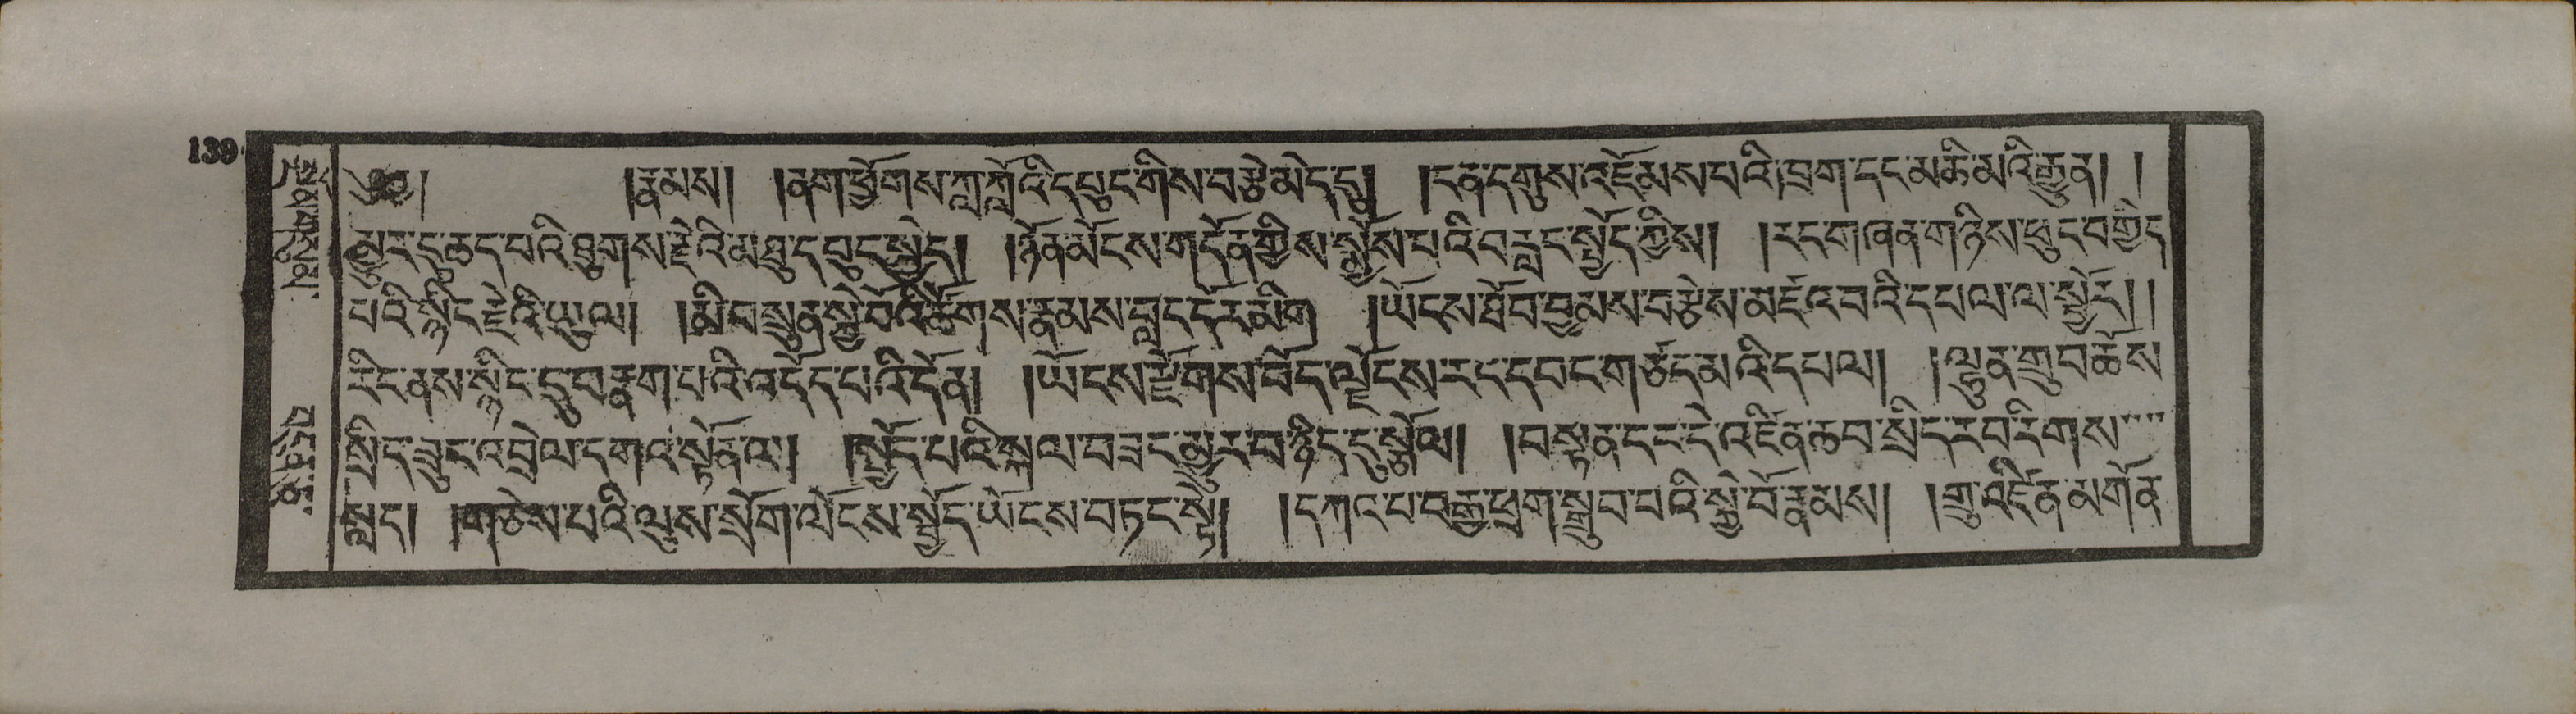༄༅། །རྣམས། །ནག་ཕྱོགས་ཀླ་ཀློའི་དཔུང་གིས་བརྩེ་མེད་དུ། །ངན་དགུས་འཇོམས་པའི་ཁྲག་དང་མཆི་མའི་རྒྱུན། །
མྱུར་དུ་ཆད་པའི་ཐུགས་རྗེའི་མཐུ་དཔུང་སྐྱེད། །ཉོན་མོངས་གདོན་གྱིས་སྨྱོས་པའི་བརླང་སྤྱོད་ཀྱིས། །རང་གཞན་གཉིས་ཕུང་བགྱིད་
པའི་སྙིང་རྗེའི་ཡུལ། །མི་བསྲུན་སྐྱེ་བོའི་ཚོགས་རྣམས་བླང་དོར་མིག །ཡོངས་ཐོབ་བྱམས་བརྩེས་མཛའ་བའི་དཔལ་ལ་སྦྱོར། །
རིང་ནས་སྙིང་དུ་བརྣག་པའི་འདོད་པའི་དོན། །ཡོངས་རྫོགས་བོད་ལྗོངས་རང་དབང་གཙང་མའི་དཔལ། །ལྷུན་གྲུབ་ཆོས་
སྲིད་ཟུང་འབྲེལ་དགའ་སྟོན་ལ། །སྤྱོད་པའི་སྐལ་བཟང་མྱུར་བ་ཉིད་དུ་སྩོལ། །བསྟན་དང་དེ་འཛིན་ཆབ་སྲིད་རབ་རིགས་
སླད། །གཅེས་པའི་ལུས་སྲོག་ལོངས་སྦྱོད་ཡོངས་བཏང་སྟེ། །དཀའ་བ་བརྒྱ་ཕྲག་སྒྲུབ་པའི་སྐྱེ་བོ་རྣམས། །གྲུ་འཛིན་མགོན་